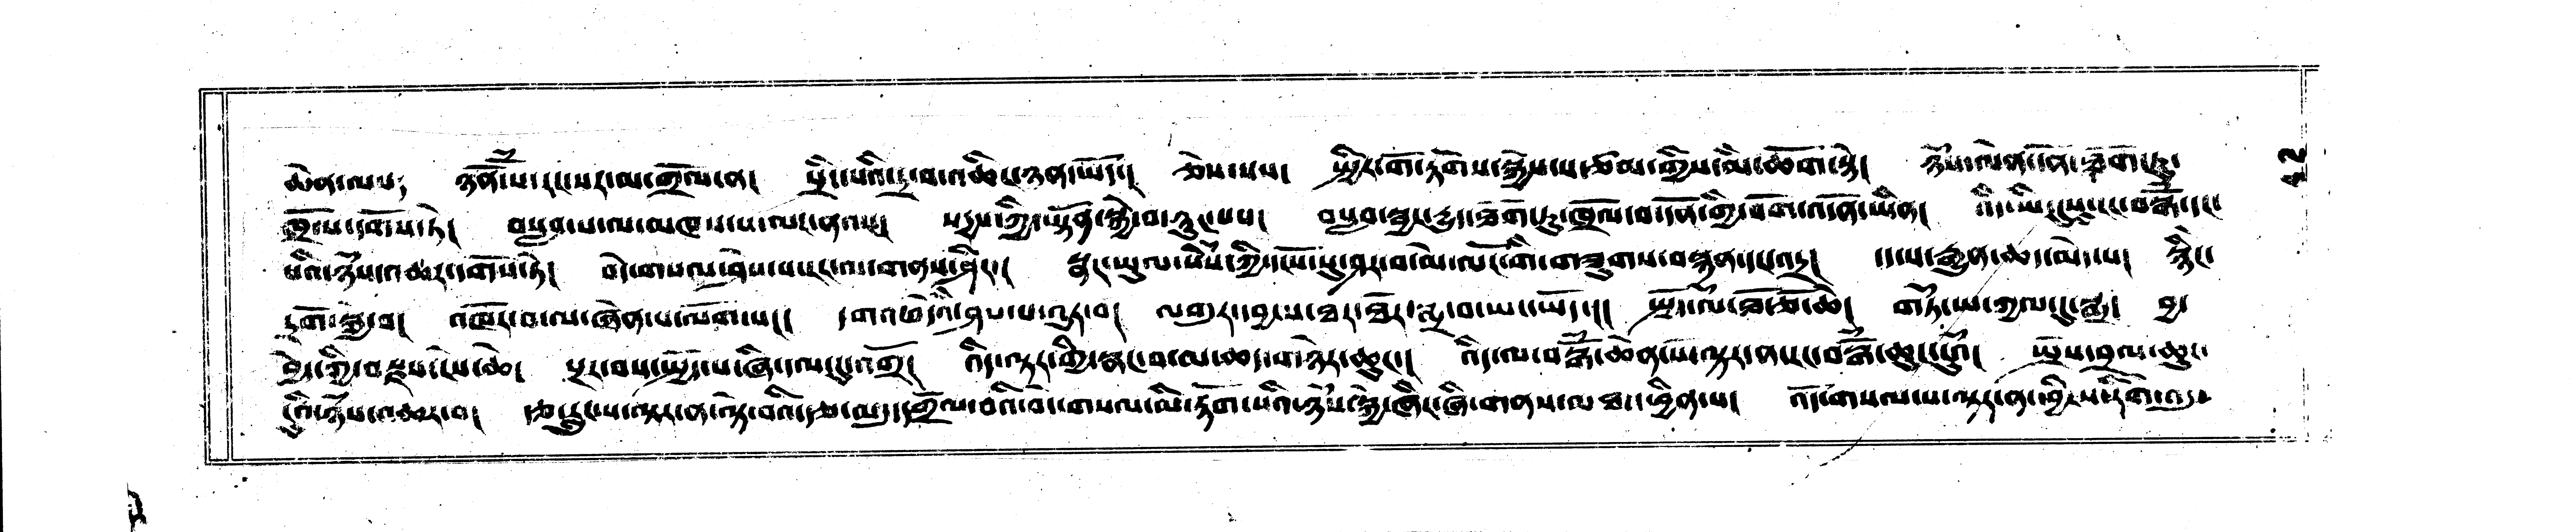ཆེན་ལས། ཉོན་མོངས་རང་སར་མ་གྲོལ་ན། །སྲིད་པའི་དྲྭ་བ་འཆིང་ཉན་ཡོད། །ཅེས་པས། སྤྱིར་གོ་རྟོགས་སྐྱེས་པ་ཙམ་གྱིས་མི་ཆོག་སྟེ། ཉམས་ལེན་དོན་ཐོག་ཏུ་
གྲོལ་དགོས་ཏེ། བསླབ་པ་ལ་མཁས་པ་མང་ནའང་། སངས་རྒྱས་ཀྱི་ཡོན་ཏན་སྐྱེ་བ་ཉུང་བས། བསླབ་སྦྱང་རྒྱུད་ཐོག་ཏུ་གྲོལ་བ་དོན་གྱི་བོགས་འདོན་ཡིན། འདི་ཡི་དུས་སུ་ངང་སྒོམ་དང་
པོའི་དུས་ཀྱི་ཉམས་འཆར་དགོས་ཏེ། བདེ་གསལ་ཤེས་པ་ངང་ལ་གནས་ཤིང་། སྣང་ཡུལ་སེམས་ཀྱི་དངོས་སུ་ཤར་བ་མེ་ལོང་གི་གཟུགས་བརྙན་དང་འདྲ། དད་པ་རྒྱུན་ཆད་མེད་པ། སྙིང་
རྗེ་དྲག་པོ་སྐྱེ་བ། འཁོར་བ་ལ་ཞེན་པ་ལོག་པ། དགའ་བདེའི་ཤེས་པ་འུར་བ། མགུར་དབྱངས་ཐར་ཐོར་སྨྲ་བའང་ཡོད། སྤྱོད་ལམ་ཐོ་ཅོ་ཆེ། གཏམ་ཡ་གྱལ་དུ་སྨྲ། བྱ་
བྱེད་ཀྱི་བརྗེད་ངེས་ཆེ། སྔར་བས་སྤྱོད་པ་ཞི་དལ་དུ་འགྲོ། འདི་ལྟར་གྱི་སྣང་བ་ལ་ཆེད་གཉེར་ཆུང་། འདི་ལ་སྒོམ་ཆེན་པ་ལྟར་ན་ངང་སྒོམ་ཆུང་ངུའམ། སྤྲོས་བྲལ་ཆུང་
ངུའི་ཉམས་འཆར། རྩ་རླུང་པ་ལྟར་ན་ལྟེ་བའི་རྩ་མདུད་དགྲོལ་བའི་བདེ་གསལ་མི་རྟོག་པའི་ཉམས་སྐྱེ་ཞིང་ཞི་གནས་མཐར་ཕྱིན་པ། འོད་གསལ་པ་ལྟར་ན་དབྱིངས་རིག་འདུ་